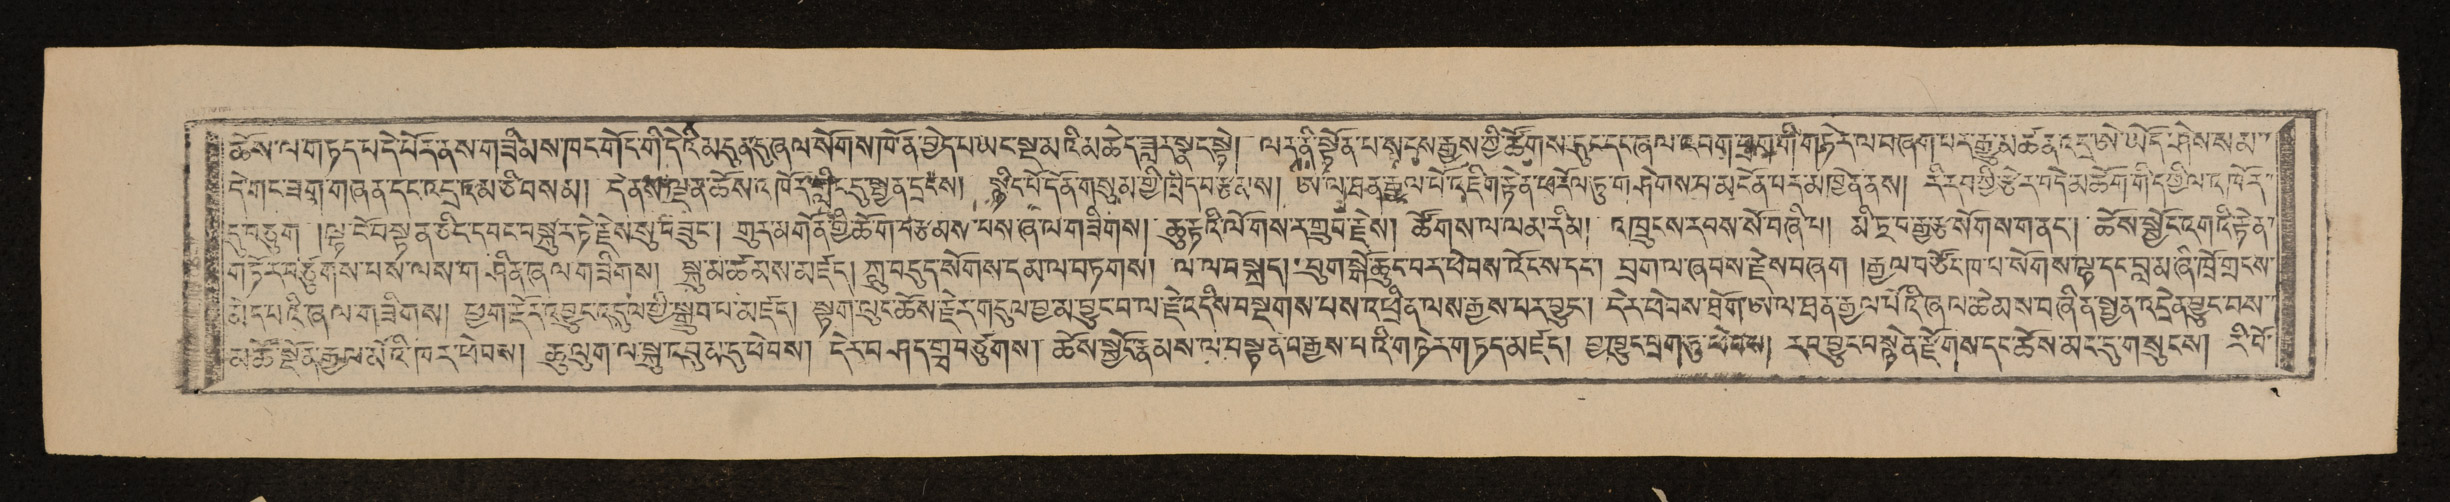ཆོས་ལ་གཏད་པ་དེ་བོར་ནས་གཟིམས་ཁང་གོང་གི་དེའི་མདུན་དུ་ཞལ་སོགས་ཁོ་ན་བྱེད་པ་ཡང་སྔ་མའི་མཆེད་ཟླར་སྣང་སྟེ། ལར་ནི་སྟོན་པ་སངས་རྒྱས་ཀྱི་ཚོགས་དུང་དང་ཞལ་འབག་བྲག་གི་གཏེར་ལ་བཞག་པར་རྒྱུ་མཚན་འདྲ་ཨེ་ཡོད་ཤེས་སམ་
དེ་གང་ཟག་གཞན་དང་འདྲའམ་ཅི་བསམ། དེ་ནས་ལྡན་ཆོས་འཁོར་གླིང་དུ་སྤྱན་དྲངས། སྙིང་པོ་དོན་གསུམ་གྱི་ཁྲིད་བརྩམས། ཨལ་ཐན་རྒྱལ་པོ་འཇིག་རྟེན་ཕ་རོལ་ཏུ་གཤེགས་པ་མངོན་པར་མཁྱེན་ནས། རི་རབ་ཀྱི་རྩེར་བདེ་མཆོག་གི་དཀྱིལ་འཁོར་
དུ་བཅུག །ལྷ་ངོ་བསྟན་ཅིང་དབང་བསྐུར་ཏེ་རྗེས་སུ་བཟུང་། གུར་མགོན་གྱི་ཆོག་བརྩམས་པས་ཞལ་གཟིགས། ཆུ་རྟའི་ལོ་གསར་གྲུབ་རྗེས། ཚོགས་ལ་ལམ་རིམ། འཁྲུངས་རབས་སོ་བཞི་པ། མི་ཏྲ་བརྒྱ་རྩ་སོགས་གནང་། ཆོས་སྐྱོང་འགའི་རྟེན་
གཏོར་བཙུགས་པས་ལས་གཤིན་ཞལ་གཟིགས། སྐུ་མཚམས་མཛད། ཀླུ་བདུད་སོགས་དམ་ལ་བཏགས། ལ་ལ་བསྐྲད། བུག་སྒོ་ཆུང་བར་ཕེབས་འོངས་དང་། བྲག་ལ་ཞབས་རྗེས་བཞག །རྒྱལ་བ་ཙོང་ཁ་པ་སོགས་ལྷ་དང་བླ་མ་ཞི་ཁྲོ་གྲངས་
མེད་པའི་ཞལ་གཟིགས། ཕྱག་རྡོར་འབྱུང་འདུལ་གྱི་སྒྲུབ་པ་མཛད། སྟག་ལུང་ཆོས་རྗེར་གདུལ་བྱ་མ་བྱུང་བ་ལ་རྗེ་འདིས་བསྔགས་པས་འཕྲིན་ལས་རྒྱས་པར་བྱུང་། དེར་ཕེབས་ཐོག་ཨལ་ཐན་རྒྱལ་པོའི་ཞལ་ཆེམས་བཞིན་སྤྱན་འདྲེན་བྱུང་བས་
མཚོ་སྔོན་རྒྱལ་མོའི་ཁར་ཕེབས། ཆུ་ལུག་ལ་སྐུ་འབུམ་དུ་ཕེབས། དེར་བཤད་གྲྭ་བཙུགས། ཆོས་སྐྱོང་རྣམས་ལ་བསྟན་པ་རྒྱས་པའི་གཉེར་གཏད་མཛད། བྱ་ཁྱུང་བྲག་ཏུ་ཕེབས། རབ་བྱུང་བསྙེན་རྫོགས་དང་ཆོས་མང་དུ་གསུངས། རི་བོ་